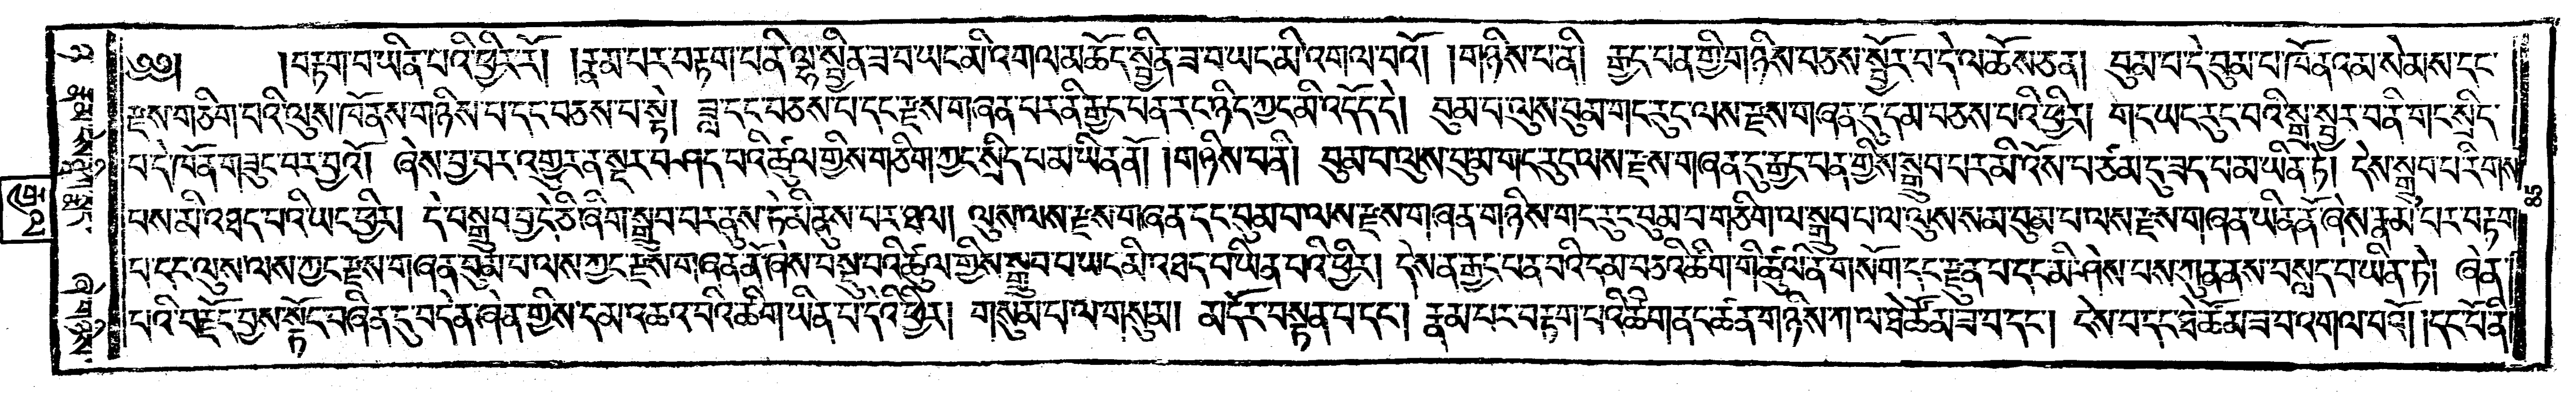༄༅། །བརྟག་པ་ཡིན་པའི་ཕྱིར་རོ། །རྣམ་པར་བརྟག་པ་ནི་ལྷ་སྦྱིན་ཟ་བ་ཡང་མི་འགལ་མཆོད་སྦྱིན་ཟ་བ་ཡང་མི་འགལ་བའོ། །གཉིས་པ་ནི། རྒྱད་པན་གྱི་གཉིས་བཅས་སྦྱོར་བ་དེ་ལ་ཆོས་ཅན། བུམ་པ་དེ་བུམ་པ་ཁོ་ན་འམ་སེམས་དང་
རྫས་གཅིག་པའི་ལུས་ཁོ་ནས་གཉིས་པ་དང་བཅས་པ་སྟེ། ཟླ་དང་བཅས་པ་དང་རྫས་གཞན་པར་ནི་རྒྱང་པན་རང་ཉིད་ཀྱང་མི་འདོད་དེ། བུམ་པ་ལུས་བུམ་གང་རུང་ལས་རྫས་གཞན་དུ་དམ་བཅས་པའི་ཕྱིར། གང་ཡང་རུང་བའི་སྒྲ་སྦྱར་བ་ནི་གང་སྲིད་
པ་དེ་ཁོ་ན་གཟུང་བར་བྱའོ། ཞེས་བྱ་བར་འགྱུར་ན་སྔར་བཤད་པའི་ཚུལ་གྱིས་གཅིག་ཀྱང་སྲིད་པ་མ་ཡིན་ནོ། །གཉིས་བ་ནི། བུམ་པ་ལུས་བུ་མ་གང་རུང་ལས་རྫས་གཞན་དུ་རྒྱང་པན་གྱིས་སྒྲུབ་པར་མི་འོས་པ་ཙམ་དུ་ཟད་པ་མ་ཡིན་ཏེ། དེས་སྒྲུབ་པ་རིགས་
པས་མི་འཐད་པའི་ཡང་ཕྱིར། དེ་བསྒྲུབ་བྱ་དེ་ཅི་ཞིག་སྒྲུབ་བར་ནུས་ཏེ་མི་ནུས་པར་ཐལ། ལུས་ལས་རྫས་གཞན་དང་བུམ་བ་ལས་རྫས་གཞན་གཉིས་གང་རུང་བུམ་བ་གཅིག་ལ་སྒྲུབ་པ་ལ་ལུས་སམ་བུམ་པ་ལས་རྫས་གཞན་ཡིན་ནོ་ཞེས་རྣམ་པར་བརྟག་
པ་དང་ལུས་ལས་ཀྱང་རྫས་གཞན་བུམ་པ་ལས་ཀྱང་རྫས་གཞན་ནོ་ཞེས་བསྡུ་བའི་ཚུལ་གྱིས་སྒྲུབ་པ་ཡང་མི་འཐད་པ་ཡིན་པའི་ཕྱིར། དེས་ན་རྒྱང་པན་བའི་དམ་བཅའི་ཚིག་གི་ཚུལ་ནི་གསོག་དང་རྫུན་པ་དང་མི་ཤེས་པས་ཀུན་ནས་བསླད་པ་ཡིན་ཏེ། ཞེ་ན་
པའི་བརྗོད་བྱས་སྟོང་བཞིན་དུ་བདེན་ཞེན་གྱིས་དམ་འཆའ་བའི་ཚིག་ཡིན་པ་དེའི་ཕྱིར། གསུམ་པ་ལ་གསུམ། མདོར་བསྟན་པ་དང་། རྣམ་པར་བརྟག་པའི་ཚིག་ནང་ཚན་གཉིས་ཀ་ལ་ཐེ་ཚོམ་ཟ་བ་དང་། ངེས་པ་དང་ཐེ་ཚོམ་ཟ་བ་འགལ་བའོ། །དང་པོ་ནི་